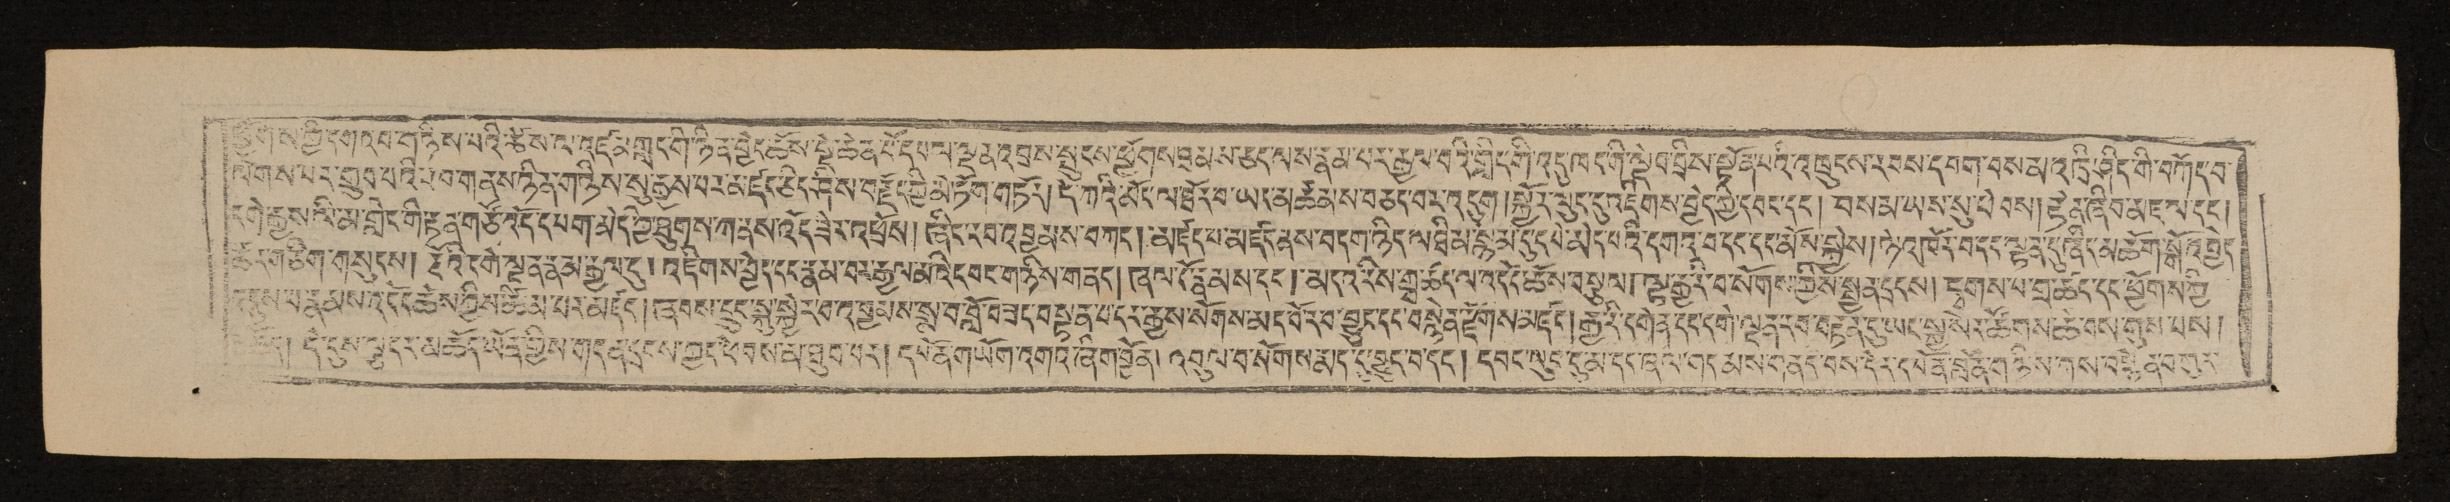ཕྱོགས་ཀྱི་དགའ་བ་གཉིས་པའི་ཚེས་ལ་འཛམ་གླིང་གི་ཉིན་བྱེད་ཆོས་སྡེ་ཆེན་པོ་དཔལ་ལྡན་འབྲས་སྤུངས་ཕྱོགས་ཐམས་ཅད་ལས་རྣམ་པར་རྒྱལ་བའི་གླིང་གི་འདུ་ཁང་གི་ལྡེབ་བྲིས་སྟོན་པའི་འཁྲུངས་རབས་དཔག་བསམ་འཁྲི་ཤིང་གི་བཀོད་བ་
ལེགས་པར་གྲུབ་པའི་རབ་གནས་ཉིན་གཉིས་སུ་རྒྱས་པར་མཛད་ཅིང་ཤིས་བརྗོད་ཀྱི་མེ་ཏོག་གཏོར། དེ་ཀའི་མོད་ལ་ཐོར་བ་ཡང་མཚམས་བཅད་པར་འདུག །སྐྱོར་ལུང་དུ་འཇིགས་བྱེད་ཀྱི་དབང་དང་། བསམ་ཡས་སུ་ཕེབས། རྟེན་ཞིབ་མཇལ་དང་།
དགེ་རྒྱས་ལིམ་གླིང་གི་རྟེན་གཙོ་འོད་དཔག་མེད་ཀྱི་ཐུགས་ཀ་ནས་འོད་ཟེར་འཕྲོས། ཞིང་རབ་འབྱམས་བཀང་། མཛད་པ་མཛད་ནས་བདག་ཉིད་ལ་ཐིམ་སྙམ་དུ་དཔེ་མེད་པའི་དགའ་བ་དང་དད་མོས་སྐྱེས། ཉེ་འཁོར་བ་དང་ལྷན་དུ་ཞིང་མཆོག་སྒོ་འབྱེད་
ཚར་གཅིག་གསུངས། རྡོའི་དགེ་ལྡན་རྣམ་རྒྱལ་དུ། འཇིགས་བྱེད་དང་རྣམ་པར་རྒྱལ་མའི་དབང་གཉིས་གནང་། ཞལ་ངོ་རྣམས་དང་། མངའ་རིས་གྲྭ་ཚང་ལ་འདོད་ཆོས་བསྩལ། ལྷ་རྒྱ་རི་བ་སོགས་ཀྱིས་སྤྱན་དྲངས། དྭགས་པོ་གྲ་ཚང་དང་ཕྱོགས་ཀྱི་
འདུས་བ་རྣམས་འདོད་ཆོས་ཀྱིས་ཚིམ་པར་མཛད། ཞབས་དྲུང་སྐུ་སྐྱེ་རབ་འབྱམས་སྨྲ་བ་བློ་བཟང་བསྟན་པ་དར་རྒྱས་སོགས་མང་པོ་རབ་བྱུང་དང་བསྙེན་རྫོགས་མཛད། རྒྱ་རི་དགོན་དང་དགེ་ལྡན་རབ་བརྟན་དུ་ཡང་སྐྱ་སེར་ཚོགས་ཆེ་བས་གུས་པས་
མཆོད། དེ་དུས་ལྕང་ར་མཆོད་ཡོན་གྱིས་གདན་དྲངས་ཀྱང་ཕེབས་མ་ཐུབ་པར། དཔོན་གཡོག་འགའ་ཞིག་བྱོན། འབུལ་བ་སོགས་རྨད་དུ་བྱུང་བ་དང་། དབང་ལུང་དུ་མ་དང་ཞལ་གདམས་གནང་བས་དེར་དཔོན་བློན་གཉིས་ཀས་བསྙེན་བཀུར་